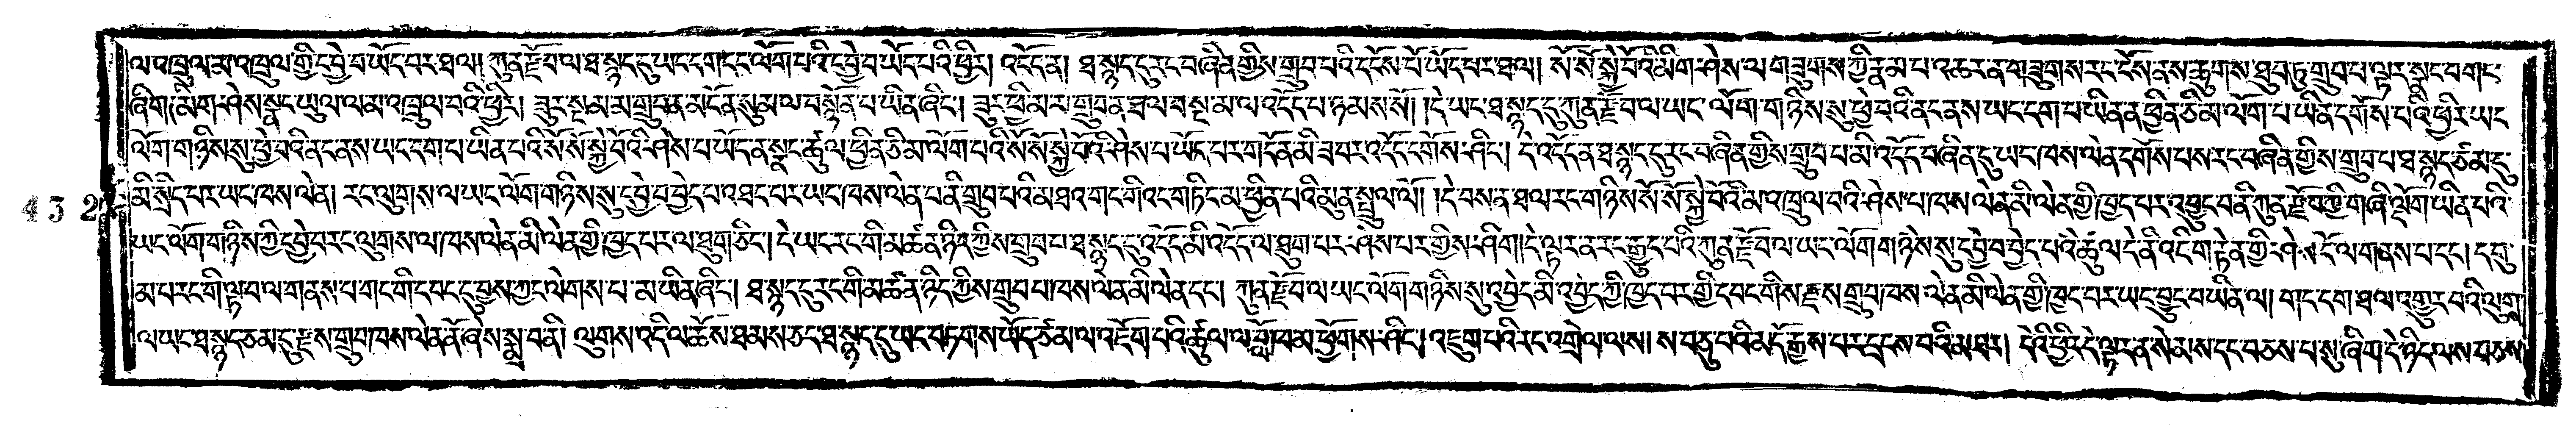ལ་འཁྲུལ་མ་འཁྲུལ་གྱི་དབྱེ་བ་ཡོད་པར་ཐལ། ཀུན་རྫོབ་ལ་ཐ་སྙད་དུ་ཡང་དག་དང་ལོག་པའི་དབྱེ་བ་ཡོད་པའི་ཕྱིར། འདོད་ན། ཐ་སྙད་དུ་རང་བཞིན་གྱིས་གྲུབ་པའི་དངོས་པོ་ཡོད་པར་ཐལ། སོ་སོ་སྐྱེ་བོའི་མིག་ཤེས་ལ་གཟུགས་ཀྱི་རྣམ་པ་འཆར་ན་གཟུགས་རང་ངོས་ནས་ཆུགས་ཐུབ་ཏུ་གྲུབ་པ་ལྟར་སྣང་བ་གང་
ཞིག༑ མིག་ཤེས་སྣང་ཡུལ་ལམ་འཁྲུལ་བའི་ཕྱིར། ཟུར་སྔ་མ་མ་གྲུབ་ན་མངོན་སུམ་ལ་བསྙོན་པ་ཡིན་ཞིང་། ཟུར་ཕྱི་མ་མ་གྲུབ་ན་ཐལ་བསྔ་མ་ལ་འདོད་པ་ཉམས་སོ། །དེ་ཡང་ཐ་སྙད་དུ་ཀུན་རྫོབ་ལ་ཡང་ལོག་གཉིས་སུ་ཕྱེ་བའི་ནང་ནས་ཡང་དག་པ་ཡིན་ན་ཕྱིན་ཅི་མ་ལོག་པ་ཡིན་དགོས་པའི་ཕྱིར་ཡང་
ལོག་གཉིས་སུ་ཕྱེ་བའི་ནང་ནས་ཡང་དག་པ་ཡིན་པའི་སོ་སོ་སྐྱེ་བོའི་ཤེས་པ་ཡོད་ན་སྣང་ཚུལ་ཕྱིན་ཅི་མ་ལོག་པའི་སོ་སོ་སྐྱེ་བོའི་ཤེས་པ་ཡོད་པར་གདོན་མི་ཟ་བར་འདོད་དགོས་ཤིང་། དེ་འདོད་ན་ཐ་སྙད་དུ་རང་བཞིན་གྱིས་གྲུབ་པ་མི་འདོད་བཞིན་དུ་ཡང་ཁས་ལེན་དགས་པས་རང་བཞིན་གྱིས་གྲུབ་པ་ཐ་སྙད་ཙམ་དུ་
མི་སྲིད་པར་ཡང་ཁས་ལེན། རང་ལུགས་ལ་ཡང་ལོག་གཉིས་སུ་དབྱེ་བ་བྱེད་པ་འཐད་པར་ཡང་ཁས་ལེན་པ་ནི་གྲུབ་པའི་མཐའ་གང་གིའང་གཏིང་མ་ཕྱིན་པའི་མུན་སྤྲུལ་ལོ། །དེ་བས་ན་ཐལ་རང་གཉིས་སོ་སོ་སྐྱེ་བོའི་མ་འཁྲུལ་བའི་ཤེས་པ་ཁས་ལེན་མི་ལེན་གྱི་ཁྱད་པར་འབྱུང་བ་ནི་ཀུན་རྫོབ་ཀྱི་གཞི་ལྡོག་ཡིན་པའི་
ཡང་ལོག་གཉིས་ཀྱི་དབྱེ་བ་རང་ལུགས་ལ་ཁས་ལེན་མ་ལེན་གྱི་ཁྱད་པར་ལ་ཐུག་ཅིང་། དེ་ཡང་རང་གི་མཚན་ཉིད་ཀྱིས་གྲུབ་པ་ཐ་སྙད་དུ་འདོད་མི་འདོད་ལ་ཐུག་པར་ཤེས་པར་གྱིས་ཤིག །དེ་ལྟར་ན་རང་རྒྱུད་པའི་ཀུན་རྫོབ་ལ་ཡང་ལོག་གཉིས་སུ་དབྱེ་བ་བྱེད་པའི་ཚུལ་དེ་ནི་འཇིག་རྟེན་གྱི་ཤེས་ངོ་ལ་གནས་པ་དང་། དབུ་
མ་པ་རང་གི་ལྟ་བ་ལ་གནས་པ་གང་གི་དབང་དུ་བྱས་ཀྱང་ལེགས་པ་མ་ཡིན་ཞིང་། ཐ་སྙད་དུ་རང་གི་མཚན་ཉིད་ཀྱིས་གྲུབ་པ་ཁས་ལེན་མི་ལེན་དང་། ཀུན་རྫོབ་ལ་ཡང་ལོག་གཉིས་སུ་འབྱེད་མི་འབྱེད་ཀྱི་ཁྱད་པར་གྱི་དབང་གིས་རྫས་གྲུབ་ཁས་ལེན་མི་ལེན་གྱི་ཁྱད་པར་ཡང་བྱུང་བ་ཡིན་ལ། གང་དག་ཐལ་འགྱུར་བའི་ལུགས་
ལ་ཡང་ཐ་སྙད་ཙམ་དུ་རྫས་གྲུབ་ཁས་ལེན་ནོ་ཞེས་སྨྲ་བ་ནི། ལུགས་འདི་ལ་ཆོས་ཐམས་ཅད་ཐ་སྙད་དུ་ཡང་བཏགས་ཡོད་ཙམ་ལ་འཇོག་པའི་ཚུལ་ལ་བློ་ཁ་མ་ཕྱོགས་ཤིང་། འཇུག་པའི་རང་འགྲེལ་ལས། ས་བཅུ་པའི་མདོ་རྒྱས་པར་དྲངས་བའི་མཐར༑ དེའི་ཕྱིར་དེ་ལྟར་ན་སེམས་དང་བཅས་པ་སུ་ཞིག་དེ་ཉིད་ལས་བཅས་